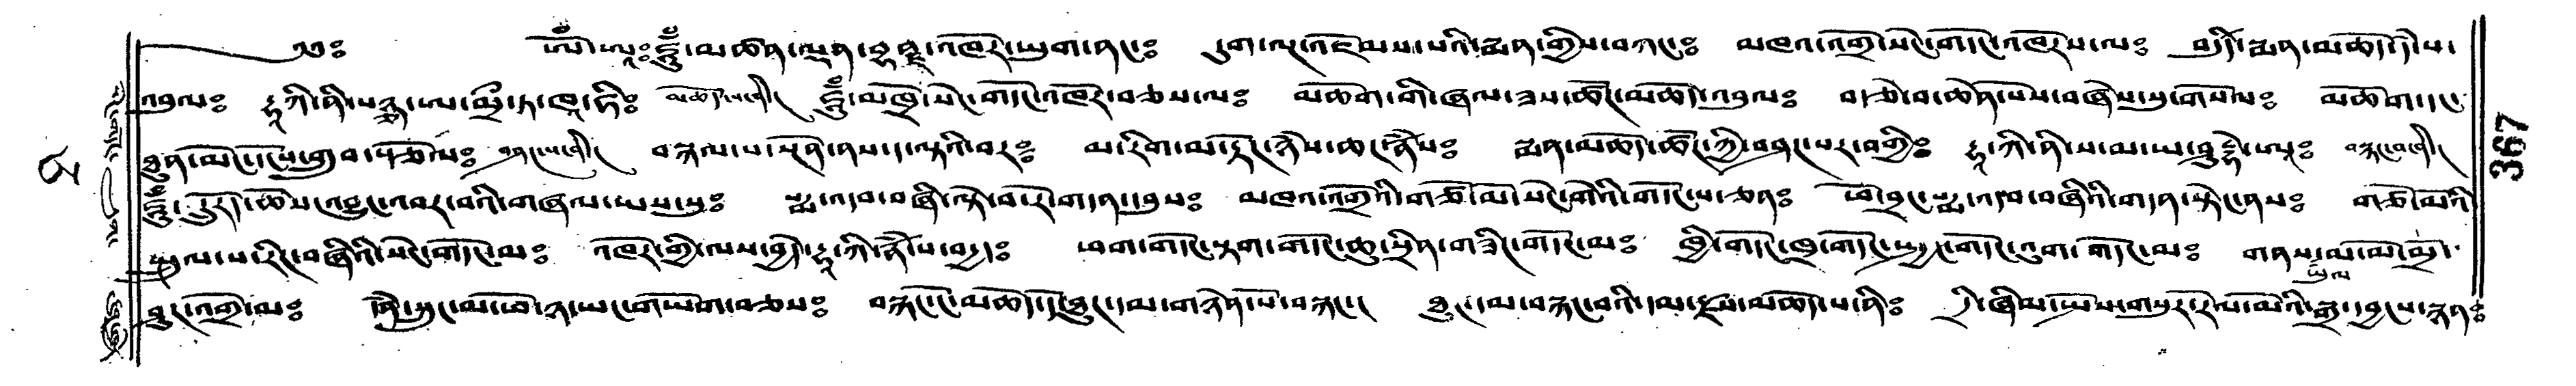ཨོཾ་ཨཱཿཧཱུྃ༔ མཚན་ལྡན་བྷནྫ་འཁོར་ཡུག་ནང༔ དུག་ལྔ་འཇོམས་པའི་སྨན་གྱིས་བཀང༔ མཁའ་འགྲོ་སེང་གདོང་འཁོར་བཅས་ལ༔ བདུད་རྩི་སྨན་མཆོད་དམ་པ་
འབུལ༔ དྷཱ་ཀི་ནི་པཉྩ་ཨ་མྲྀ་ཏ་ཁཱ་ཧི༔ མཆོད་པ་ནི་ཧཱུྃ༔མཁའ་འགྲོ་སེང་གདོང་འཁོར་བཅས་ལ༔ མཆོག་གི་ཞལ་ཟས་ཚོགས་མཆོད་འབུལ༔ བརྩེ་བ་ཆེན་པོས་བཞེས་སུ་གསོལ༔ མཆོག་དང་
ཐུན་མོང་དངོས་གྲུབ་སྩོལ༔ བཤགས་པ་ནི། བསྐལ་པ་སྔོན་ནས་ད་ལྟའི་བར༔ མ་རིག་མ་རྟོགས་ཉམ་ཆགས་རྣམས༔ སྨན་མཆོད་ཚོགས་ཀྱི་བཤགས་པར་བགྱི༔ དྷཱ་ཀི་ནི་ས་མ་ཡ་ཤུདྡྷེ་ཨཱ༔ བསྐང་བ་ནི། 
ཧཱུྃ༔ དུར་ཁྲོད་ཆོས་འབྱུང་འབར་བའི་གཞལ་ཡས་སུ༔ པདྨ་འདབ་བཞི་ལྟེ་བ་རོ་གདན་དབུས༔ མཁའ་འགྲོའི་གཙོ་མོ་སེང་གེའི་གདོང་པ་ཅན༔ ཕོ་བྲང་པདྨ་འདབ་བཞིའི་གདན་སྟེང་ནས༔ གཙོ་མོའི་
སྤྲུལ་པ་རིགས་བཞིའི་སེང་གདོང་མ༔ འཁོར་གྱི་ལས་བྱེད་དྷཱ་ཀི་རྣམསཔ་བརྒྱད༔ཕག་གདོང་སྟག་གདོང་ཆུ་སྲིན་གཟིག་གདོང་མ༔ ཁྱི་གདོང་ཁྲ་གདོང་སྤྱང་གདོང་འུག་གདོང་མ༔ གནས་ཡུལ་མ་མོ་མཁའ་འགྲོ་
ཤུགས་འགྲོ་མ༔ དམ་ཅན་སྲུང་མ་ཕོ་ཉ་ཡང་གཡོག་བཅས༔ བསྐང་ངོ་མཆོད་དོ་ཐུགས་དམ་གཉེན་པོ་བསྐང༔ ཐུགས་དམ་བསྐང་བའི་དམ་རྫས་མཆོད་པ་ནི༔ དྲི་ཞིམ་སྤོས་གསུར་རོལ་མོའི་སྒྲ་དབྱངས་སྙན༔